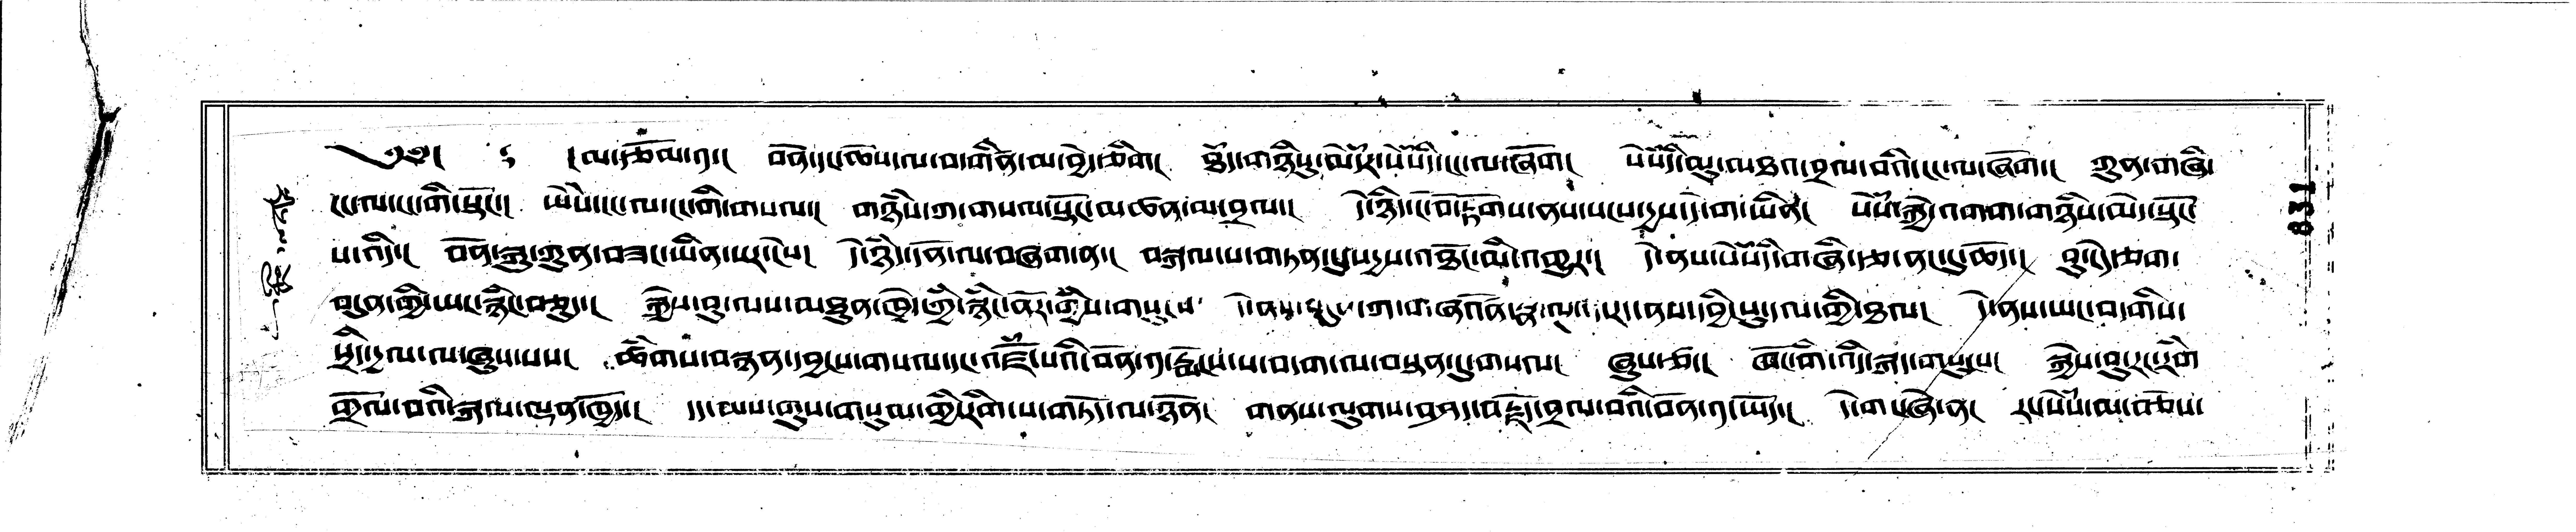མ་རྩོམ་ཅིག །བོན་དང་ཆོས་ལ་བདག་འཛིན་མ་བྱེད་ཅིག །ཐམས་ཅད་གཉིས་སུ་མེད་པར་སེམས་ཉིད་ངང་ལ་ཞོག །སེམས་ཉིད་མུ་མཐའ་བྲལ་བའི་ངང་ལ་ཞོག །ཀུན་གཞི་
ངང་ལ་ངང་གིས་སྟོང་། །ཡེ་ཤེས་ངང་ལ་ངང་གིས་གསལ། །གཉིས་ཀ་གསལ་སྟོང་མཚན་མ་བྲལ། །དེ་ཉིད་ངོའོ་རྟོགས་ནས་སངས་རྒྱས་དེ་ག་ཡིན། །སེམས་སྐྱེ་འགག་གཉིས་མེད་སྟོང་
པ་འདི། །བོན་སྐུ་ཀུན་བཟང་ཡིན་པར་ངེས། །དེ་ཉིད་དོན་ལ་བཞག་ན། བསྐལ་པ་གཏན་དུ་སངས་རྒྱས་འཐོབ་མི་འགྱུར། དེ་ནས་སེམས་ཉིད་གཞི་རྩ་ནང་དུ་ཆོད། བུ་ངེད་ཅག་
བདུན་གྱི་ཡང་སྙིང་བཅུད། སྐྱེས་བུ་ལས་མཐུན་ཁྱེད་ཀྱི་སྙིང་ནོར་གྱིས་གསུངས། དེ་ནས་བདུན་ཀ་གཞའ་ཚོན་སྣ་ལྔ་ཅིག་རེད་ནས་དབྱིངས་སུ་དལ་གྱིས་ཐལ། དེ་ནས་ཡང་བདག་གིས་
སྲིད་རྒྱལ་ལ་ཞུས་པས། ཚིག་སྙན་དབྱངས་གསལ་དང་འཛོམས་པའི་བོན་ཅིག་རྨོངས་པ་བདག་ལ་བསྟན་ཏུ་གསོལ། ཞུས་ཙ། ཁོང་གིས་འདི་སྐད་གསུངས། སྐྱེས་བུ་རང་རིག་
གྲོལ་བའི་སྐལ་ལྡན་ཁྱོད། དད་མོས་གུས་གསུམ་གྱིས་རིག་པ་གཏོད་ལ་ཉོན། གནས་ལུགས་བཤད་བརྗོད་བྲལ་བའི་བོན་ཅིག་ཡོད། དེ་གང་ཞེ་ན། རང་སེམས་མ་བཅོས་